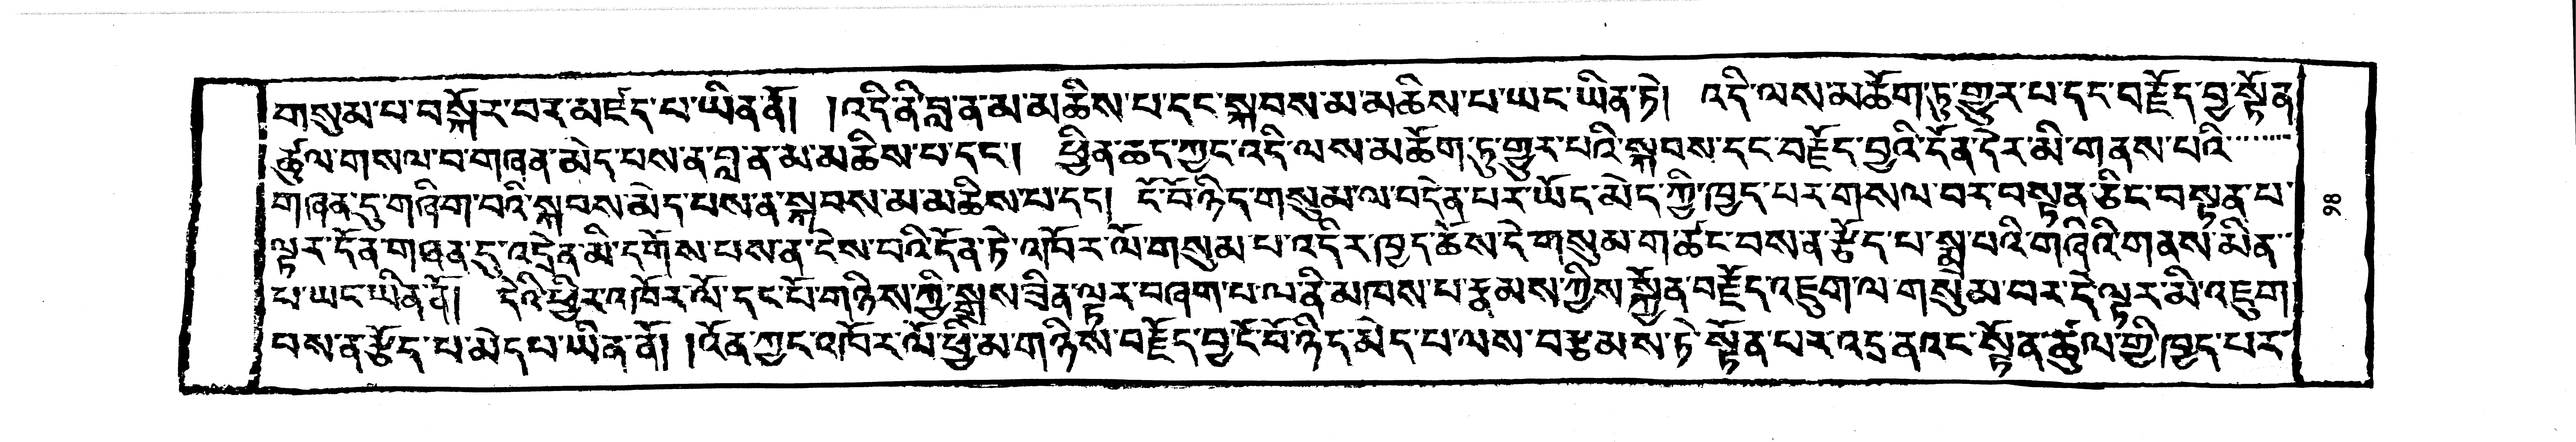གསུམ་པ་བསྐོར་བར་མཛད་པ་ཡིན་ནོ། །འདི་ནི་བླ་ན་མ་མཆིས་པ་དང་སྐབས་མ་མཆིས་པ་ཡང་ཡིན་ཏེ། འདི་ལས་མཆོག་ཏུ་གྱུར་པ་དང་བརྗོད་བྱ་སྟོན་
ཚུལ་གསལ་བ་གཞན་མེད་པས་ན་བླ་ན་མ་མཆིས་པ་དང་། ཕྱིན་ཆད་ཀྱང་འདི་ལས་མཆོག་ཏུ་གྱུར་པའི་སྐབས་དང་བརྗོད་བྱའི་དོན་དེར་མི་གནས་པའི་
གཞན་དུ་གཞིག་པའི་སྐབས་མེད་པས་ན་སྐབས་མ་མཆིས་པ་དང་། ངོ་བོ་ཉིད་གསུམ་ལ་བདེན་པར་ཡོད་མེད་ཀྱི་ཁྱད་པར་གསལ་བར་བསྟན་ཅིང་བསྟན་པ་
ལྟར་དོན་གཞན་དུ་འདྲེན་མི་དགོས་པས་ན་ངེས་པའི་དོན་ཏེ་འཁོར་ལོ་གསུམ་པ་འདིར་ཁྱད་ཆོས་དེ་གསུམ་ག་ཚང་བས་ན་རྩོད་པ་སྨྲ་བའི་གཞིའི་གནས་མིན་
པ་ཡང་ཡིན་ནོ། དེའི་ཕྱིར་འཁོར་ལོ་དང་པོ་གཉིས་ཀྱི་སྒྲས་ཟིན་ལྟར་བཞག་པ་ལ་ནི་མཁས་པ་རྣམས་ཀྱིས་སྐྱོན་བརྗོད་འཇུག་ལ་གསུམ་བར་དེ་ལྟར་མི་འཇུག་
པས་ན་རྩོད་པ་མེད་པ་ཡིན་ནོ། །འོན་ཀྱང་འཁོར་ལོ་ཕྱི་མ་གཉིས་བརྗོད་བྱ་ངོ་བོ་ཉིད་མེད་པ་ལས་བརྩམས་ཏེ་སྟོན་པར་འདྲ་ནའང་སྟོན་ཚུལ་གྱི་ཁྱད་པར་